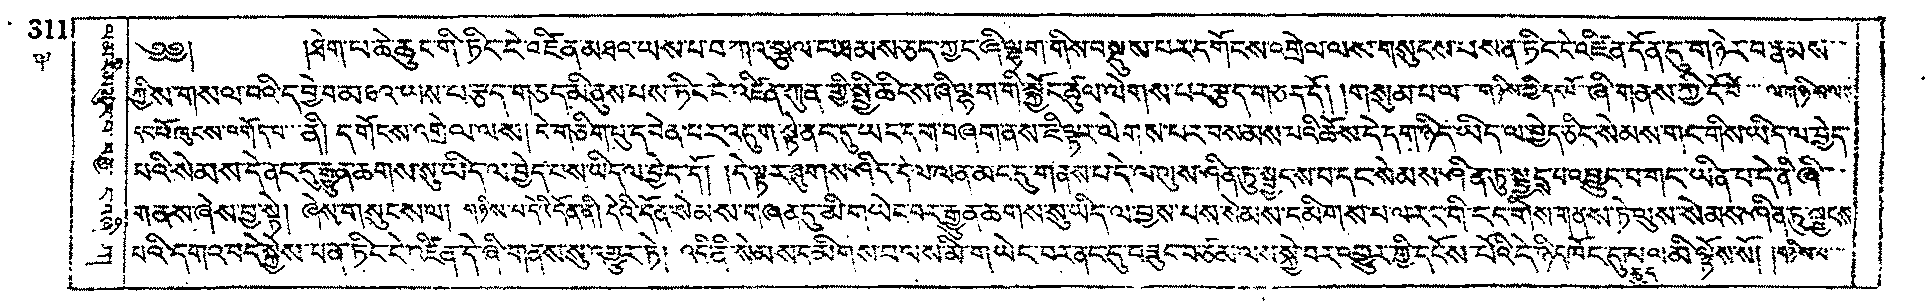༄༅། །ཐེག་པ་ཆེ་ཆུང་གི་ཏིང་ངེ་འཛིན་མཐའ་ཡས་པ་བཀའ་སྩལ་པ་ཐམས་ཅད་ཀྱང་ཞི་ལྷག་གིས་བསྡུས་པར་དགོངས་འགྲེལ་ལས་གསུངས་པས་ན་ཏིང་ངེ་འཛིན་དོན་དུ་གཉེར་བ་རྣམས་
ཀྱིས་གསལ་བའི་དབྱེ་བ་མཐའ་ཡས་པ་རྩད་གཅད་མི་ནུས་པས་ཏིང་ངེ་འཛིན་ཀུན་གྱི་སྤྱི་ཆིངས་ཞི་ལྷག་གི་སྐྱོང་ཚུལ་ལེགས་པར་རྩད་གཅད་དོ། །གསུམ་པ་ལགཉིས་ཀྱི་དང་པོཞི་གནས་ཀྱི་ངོ་བོལ་གཉིས་ལས་
དང་པོ་ཁུངས་འགོད་པནི། དགོངས་འགྲེལ་ལས། དེ་གཅིག་པུ་དབེན་པར་འདུག་སྟེ་ནང་དུ་ཡང་དག་བཞག་ནས་ཇི་ལྟར་ལེགས་པར་བསམས་པའི་ཆོས་དེ་དག་ཉིད་ཡིད་ལ་བྱེད་ཅིང་སེམས་གང་གིས་ཡིད་ལ་བྱེད་
པའི་སེམས་དེ་ནང་དུ་རྒྱུན་ཆགས་སུ་ཡིད་ལ་བྱེད་པས་ཡིད་ལ་བྱེད་དོ། །དེ་ལྟར་ཞུགས་ཤིང་དེ་ལ་ལན་མང་དུ་གནས་པ་དེ་ལ་ལུས་ཤིན་ཏུ་སྦྱངས་པ་དང་སེམས་ཤིན་ཏུ་སྦྱངས་པ་འབྱུང་བ་གང་ཡིན་པ་དེ་ནི་ཞི་
གནས་ཞེས་བྱ་སྟེ། ཞེས་གསུངས་ལ། གཉིས་པ་དེའི་དོན་ནི།  དེའི་དོན་སེམས་གཞན་དུ་མི་གཡེང་བར་རྒྱུན་ཆགས་སུ་ཡིད་ལ་བྱས་པས་སེམས་དམིགས་པ་ལ་རང་གི་ངང་གིས་གནས་ཏེ་ལུས་སེམས་ཤིན་ཏུ་སྦྱངས་
པའི་དགའ་བདེ་སྐྱེས་པ་ན་ཏིང་ངེ་འཛིན་དེ་ཞི་གནས་སུ་འགྱུར་ཏེ། འདི་ནི་སེམས་དམིགས་པ་ལས་མི་གཡེང་བར་ནང་དུ་བཟུང་བ་ཙམ་ལས་སྐྱེ་བར་འགྱུར་གྱི་དངོས་པོའི་དེ་ཉིད་ཁོང་དུ་ཆུད་པ་ལ་མི་ལྟོས་སོ། །གཉིས་པ་